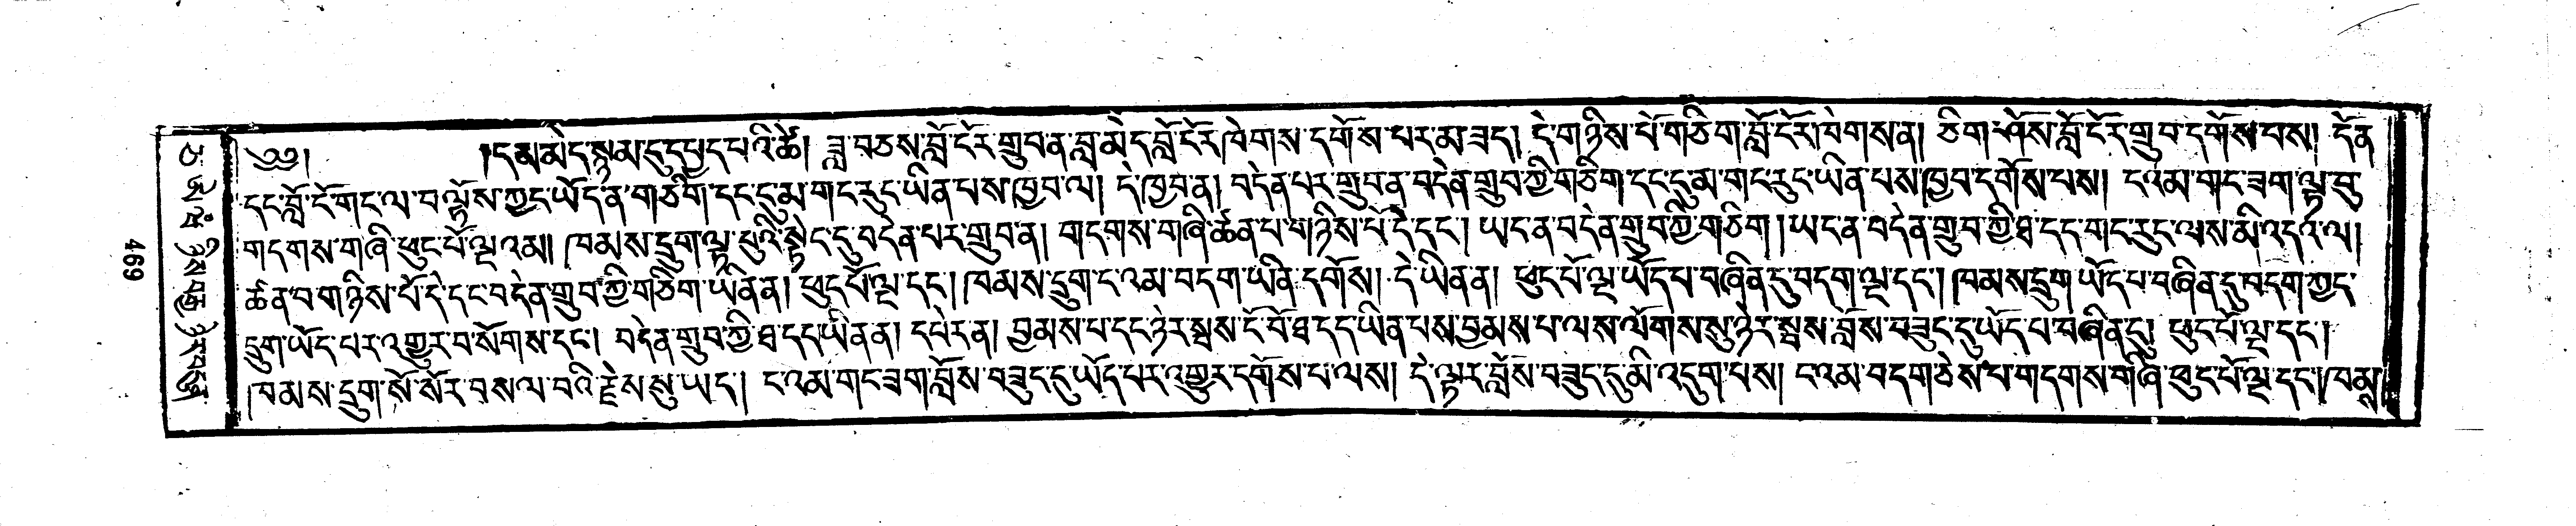༄༅། །དམ་མེད་སྙམ་དུ་དཔྱད་པའི་ཚེ། ཟླ་བཅས་བློ་ངོར་གྲུབ་ན་བླ་མེད་བློ་དོར་ཁེགས་དགོས་པར་མ་ཟད། དེ་གཉིས་པོ་གཅིག་བློ་ངོར་ཁེགས་ན། ཅིག་ཤོས་བློ་ངོར་གྲུབ་དགོས་པས། དོན་
དང་བློ་ངོ་གང་ལ་བལྟོས་ཀྱང་ཡོད་ན་གཅིག་དང་དུ་མ་གང་རུང་ཡིན་པས་ཁྱབ་ལ། དེ་ཁྱབ་ན། བདེན་པར་གྲུབ་ན་བདེན་གྲུབ་ཀྱི་གཅིག་དང་དུ་མ་གང་རུང་ཡིན་པས་ཁྱབ་དགོས་པས། ངའམ་གང་ཟག་ལྟ་བུ་
གདགས་གཞི་ཕུང་པོ་ལྔའམ། ཁམས་དྲུག་ལྟ་བུའི་སྟེང་དུ་བདེན་པར་གྲུབ་ན། གདགས་གཞི་ཚན་པ་གཉིས་པོ་དེ་དང་། ཡང་ན་བདེན་གྲུབ་ཀྱི་གཅིག །ཡང་ན་བདེན་གྲུབ་ཀྱི་ཐ་དད་གང་རུང་ལས་མི་འདའ་ལ།
ཚན་པ་གཉིས་པོ་དེ་དང་བདེན་གྲུབ་ཀྱི་གཅིག་ཡིན་ན། ཕུང་པོ་ལྔ་དང་། ཁམས་དྲུག་ང་འམ་བདག་ཡིན་དགོས། དེ་ཡིན་ན། ཕུང་པོ་ལྔ་ཡོད་པ་བཞིན་དུ་བདག་ལྔ་དང་། ཁམས་དྲུག་ཡོད་པ་བཞིན་དུ་བདག་ཀྱང་
དྲུག་ཡོད་པར་འགྱུར་བ་སོགས་དང་། བདེན་གྲུབ་ཀྱི་ཐ་དད་ཡིན་ན། དཔེར་ན། བྱམས་པ་དང་ཉེར་སྦས་ངོ་བོ་ཐ་དད་ཡིན་པས་བྱམས་པ་ལས་ལོགས་སུ་ཉེར་སྦས་བློས་བཟུང་དུ་ཡོད་པ་བཞིན་དུ། ཕུང་པོ་ལྔ་དང་།
ཁམས་དྲུག་སོ་སོར་བསལ་བའི་རྗེས་སུ་ཡང་། ངའམ་གང་ཟག་བློས་བཟུང་དུ་ཡོད་པར་འགྱུར་དགོས་པ་ལས། དེ་ལྟར་བློས་བཟུང་དུ་མི་འདུག་པས། ང་འམ་བདག་ཅེས་པ་གདགས་གཞི་ཕུང་པོ་ལྔ་དང་། ཁམས་